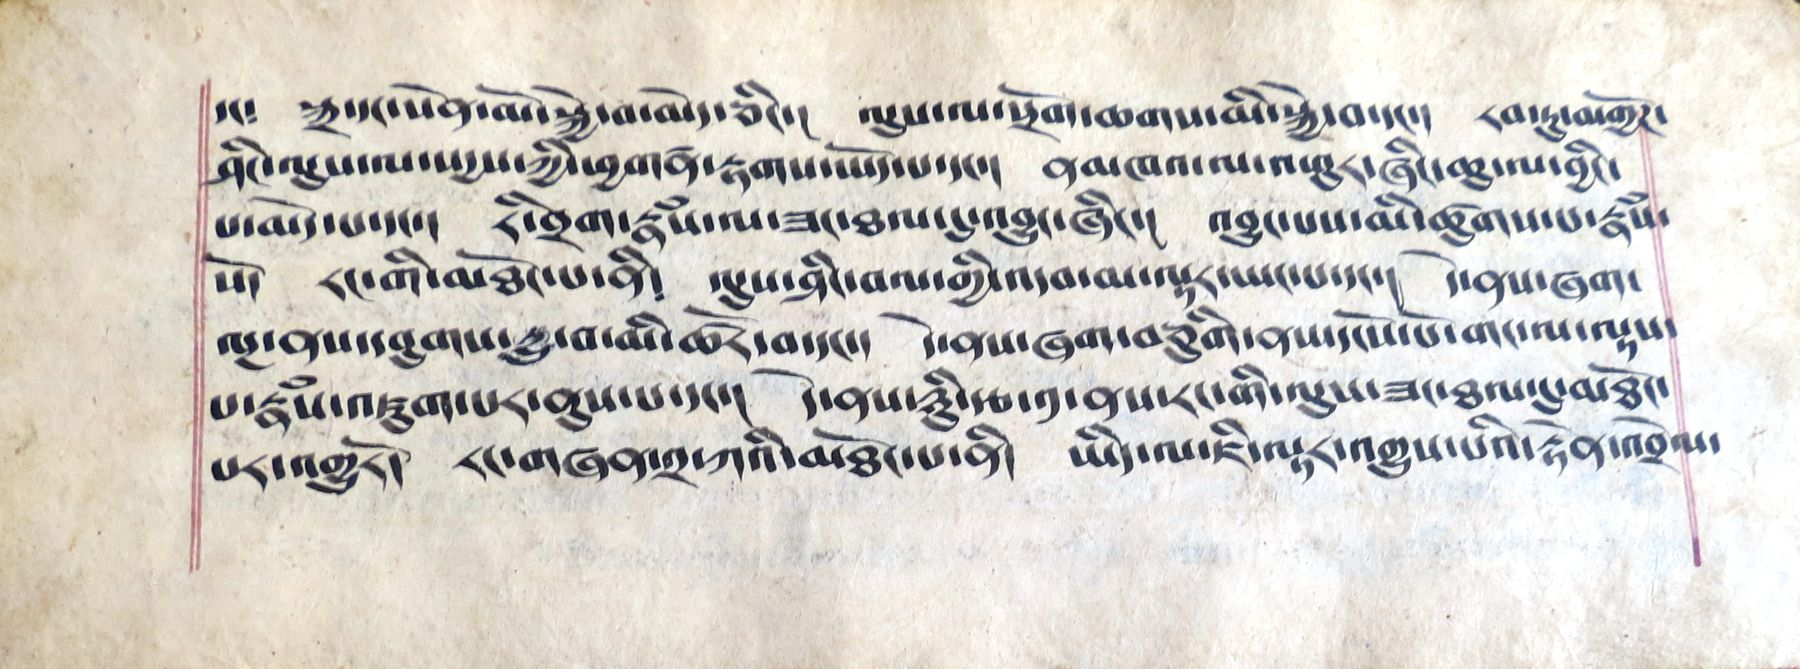དང་། སྐྲ་དང་སེན་མོ་སྐྱེ་བ་མེད་ཅིང་། ལུས་ལ་སྲོག་ཆགས་ཤིག་མི་སྐྱེ་བ་དང་། རབ་ཏུ་མགྱོགས་
ཤིང་ལུས་ལ་སངས་རྒྱས་ཀྱི་ཕྱག་མཚན་གྱི་རྟགས་ཡོད་པ་དང་། ནམ་མཁའ་ལ་འཕུར་ཞིང་ཆུ་ལ་བྱིང་
བ་མེད་པ་དང་། རི་བྲག་རྣམས་ལ་ཟང་ཐལ་དུ་འབྱུང་ཞིང་། འབྱུང་བས་མི་ཚུགས་པ་རྣམས་
སོ། །རང་གིས་མཐོང་བ་ནི། ལུས་ཤིང་བལ་གྱི་འདབ་བས་ཡང་བ་དང་། དེ་ནས་ཞག་
ལྔ་ནི། དབུགས་རྒྱུ་བ་མི་ཚོར་བ་དང་། དེ་ནས་ཞག་བཅུ་གཅིག་ན། དངོས་པོ་གང་ལ་བལྟས་
པ་ཐམས་ཅད་འཇུ་བར་ནུས་པ་དང་། དེ་ནས་ཉི་ཤུ་རྩ་གཅིག་ན། རང་གི་ལུས་ཟང་ཐལ་དུ་མཐོང་
བར་འགྱུར་རོ། །རང་གཞན་གཉིས་ཀས་མཐོང་བ་ནི། ཡིད་ལ་ཅི་ལྟར་འགྱུས་པའི་རྟེན་འབྲེལ་